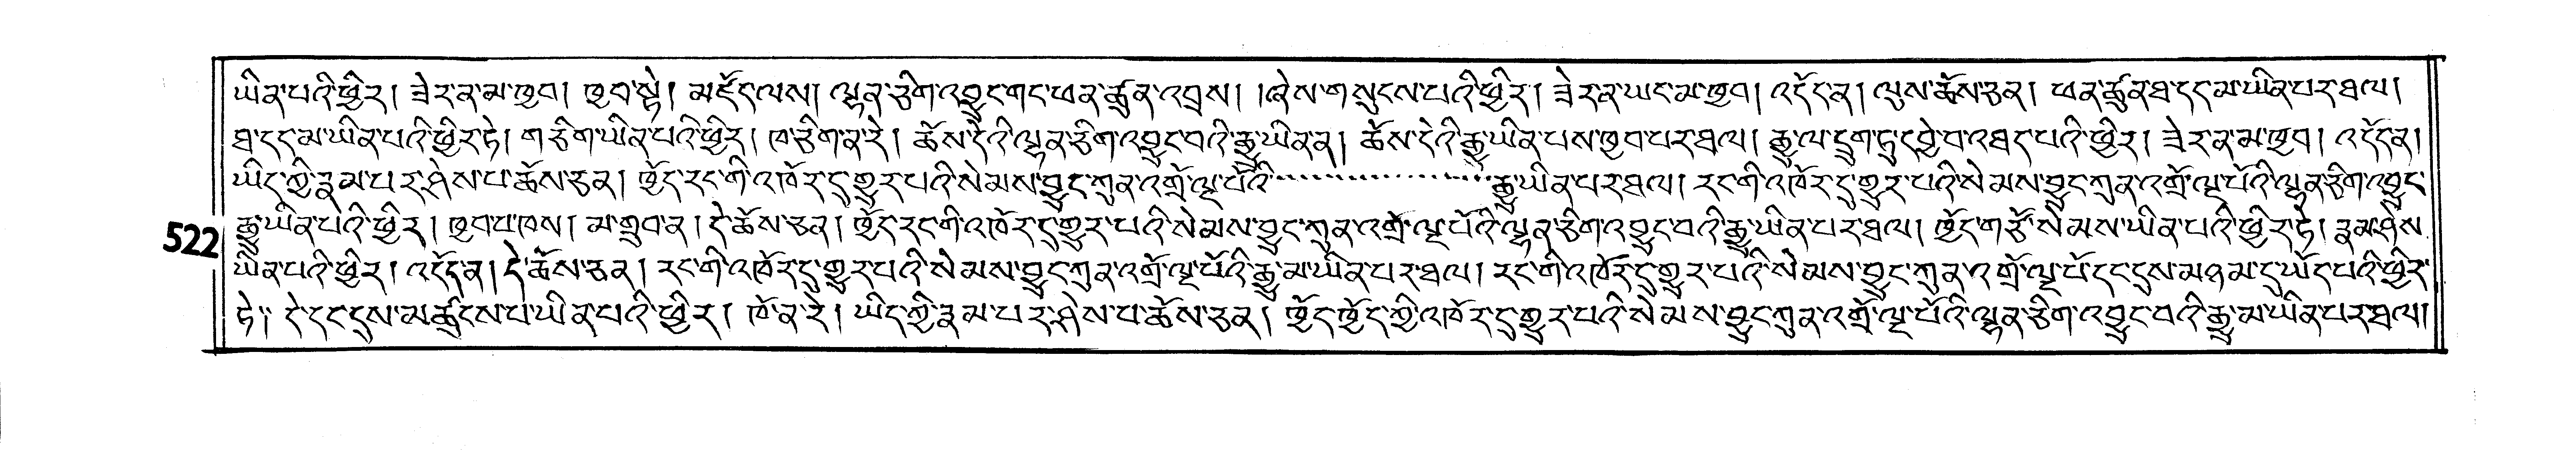ཡིན་པའི་ཕྱིར། ཟེར་ན་མ་ཁྱབ། ཁྱབ་སྟེ། མཛོད་ལས། ལྷན་ཅིག་འབྱུང་གང་ཕན་ཚུན་འབྲས། །ཞེས་གསུངས་པའི་ཕྱིར། ཟེར་ན་ཡང་མ་ཁྱབ། འདོད་ན། ལུས་ཆོས་ཅན། ཕན་ཚུན་ཐ་དད་མ་ཡིན་པར་ཐལ།
ཐ་དད་མ་ཡིན་པའི་ཕྱིར་ཏེ། གཅིག་ཡིན་པའི་ཕྱིར། ཁ་ཅིག་ན་རེ། ཆོས་དེའི་ལྷན་ཅིག་འབྱུང་བའི་རྒྱུ་ཡིན་ན། ཆོས་དེའི་རྒྱུ་ཡིན་པས་ཁྱབ་པར་ཐལ། རྒྱུ་ལ་དྲུག་ཏུ་དབྱེ་བ་འཐད་པའི་ཕྱིར། ཟེར་ན་མ་ཁྱབ། འདོད་ན།
ཡིད་ཀྱི་རྣམ་པར་ཤེས་པ་ཆོས་ཅན། ཁྱོད་རང་གི་འཁོར་དུ་གྱུར་པའི་སེམས་བྱུང་ཀུན་འགྲོ་ལྔ་པོའི་རྒྱུ་ཡིན་པར་ཐལ། རང་གི་འཁོར་དུ་གྱུར་པའི་སེམས་བྱུང་ཀུན་འགྲོ་ལྔ་པོའི་ལྷན་ཅིག་འབྱུང་
རྒྱུ་ཡིན་པའི་ཕྱིར། ཁྱབ་པ་ཁས། མ་གྲུབ་ན། དེ་ཆོས་ཅན། ཁྱོད་རང་གི་འཁོར་དུ་གྱུར་པའི་སེམས་བྱུང་ཀུན་འགྲོ་ལྔ་པོའི་ལྷན་ཅིག་འབྱུང་བའི་རྒྱུ་ཡིན་པར་ཐལ། ཁྱོད་གཙོ་སེམས་ཡིན་པའི་ཕྱིར་ཏེ། རྣམ་ཤེས་
ཡིན་པའི་ཕྱིར། འདོད་ན། དེ་ཆོས་ཅན། རང་གི་འཁོར་དུ་གྱུར་པའི་སེམས་བྱུང་ཀུན་འགྲོ་ལྔ་པོའི་རྒྱུ་མ་ཡིན་པར་ཐལ། རང་གི་འཁོར་དུ་གྱུར་པའི་སེམས་བྱུང་ཀུན་འགྲོ་ལྔ་པོ་དང་དུས་མཉམ་དུ་ཡོད་པའི་ཕྱིར་
ཏེ༑ དེ་དང་དུས་མཚུངས་པ་ཡིན་པའི་ཕྱིར། ཁོ་ན་རེ། ཡིད་ཀྱི་རྣམ་པར་ཤེས་པ་ཆོས་ཅན། ཁྱོད་ཁྱོད་ཀྱི་འཁོར་དུ་གྱུར་པའི་སེམས་བྱུང་ཀུན་འགྲོ་ལྔ་པོའི་ལྷན་ཅིག་འབྱུང་བའི་རྒྱུ་མ་ཡིན་པར་ཐལ།